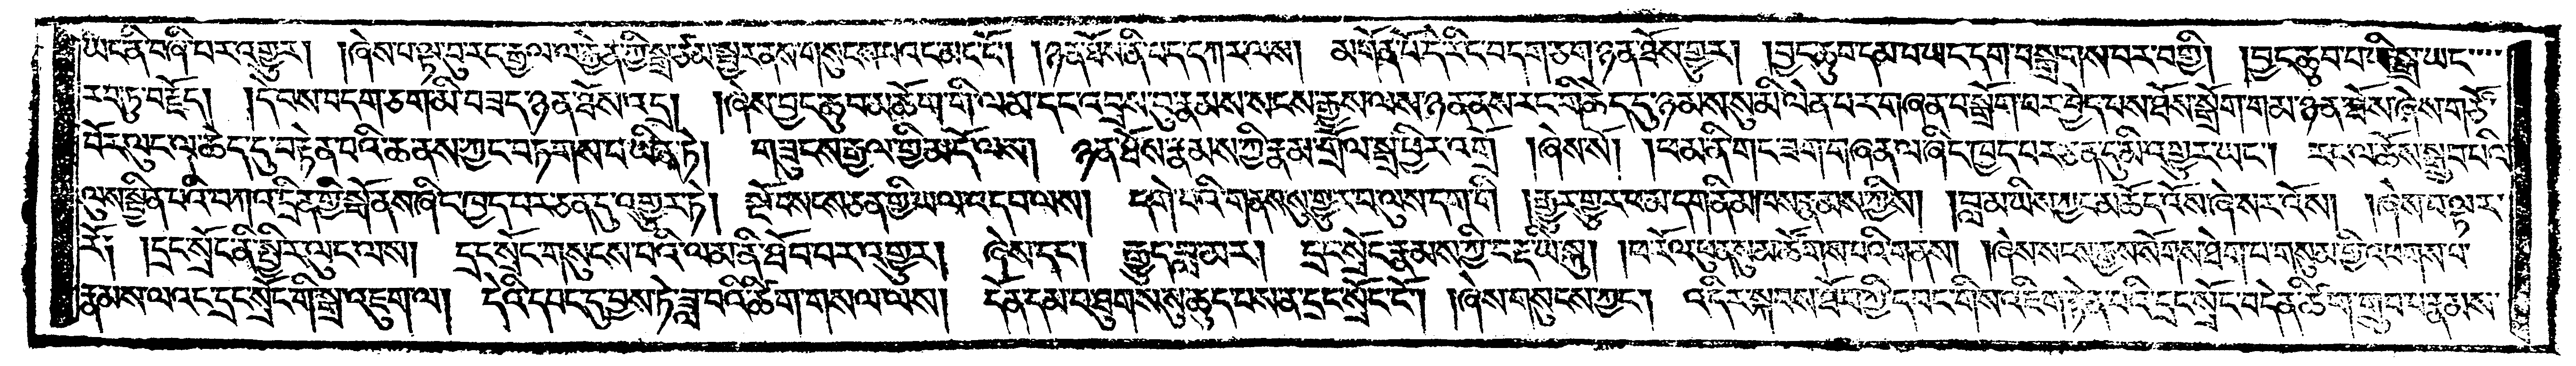ཡང་ནི་བཞི་པར་འགྱུར། །ཞེས་པ་ལྟ་བུ་རང་རྒྱལ་ལ་རྐྱེན་གྱི་སྒྲ་ཙམ་སྦྱར་ནས་གསུངས་པའང་མང་ངོ། །ཉན་ཐོས་ནི་པད་དཀར་ལས། མགོན་པོ་དེ་རིང་བདག་ཅག་ཉན་ཐོས་གྱུར། །བྱང་ཆུབ་དམ་པ་ཡང་དག་བསྒྲགས་པར་བགྱི། །བྱང་ཆུབ་པ་ཡི་སྒྲ་ཡང་
རབ་ཏུ་བརྗོད། །དེ་བས་བདག་ཅག་མི་བཟད་ཉན་ཐོས་འདྲ། །ཞེས་བྱང་ཆུབ་མཆོག་གི་ལམ་དང་འབྲས་བུ་རྣམས་སངས་རྒྱས་ལས་ཉན་ནས་རང་གི་ཆེད་དུ་ཉམས་སུ་མི་ལེན་པར་གཞན་བསྒྲོག་པར་བྱེད་པས་ཐོས་སྒྲོག་གམ་ཉན་ཐོས་ཞེས་གཙོ་
བོར་ལུང་ལ་ཚད་དུ་བརྟེན་བའི་ཆ་ནས་ཀྱང་བཏགས་པ་ཡིན་ཏེ། གཟུངས་རྒྱལ་གྱི་མདོ་ལས། ཉན་ཐོས་རྣམས་ཀྱི་རྣམ་གྲོལ་སྒྲ་ཕྱིར་འགྲོ་།ཞེས་སོ། །ཕམ་ནི་གང་ཟག་གཞན་ལ་ཞིང་ཁྱད་པར་ཅན་དུ་མི་འགྱུར་ཡང་། རང་ལ་ཆོས་སྒྲུབ་པའི་
ལུས་སྦྱིན་པའི་བཀའ་དྲིན་གྱི་སྒོ་ནས་ཞིང་ཁྱད་པར་ཅན་དུ་འགྱུར་ཏེ། སྔོ་བོ་སངས་ཅན་གྱི་ཡལ་འདབ་ལས། དགེ་བའི་གནས་སུ་གྱུར་བ་ལུས་དག་གི །རྒྱུར་གྱུར་ཕ་མ་དག་ནི་མཁས་རྣམས་ཀྱིས། །བླ་མ་ཡིས་ཀྱང་མཆོད་འོས་ཞེ་སར་འོས། །ཞེས་བ་ལྟར་
རོ༑ །དྲང་སྲོང་ནི་སྤྱིར་ལུང་ལས། དྲང་སྲོང་གསུངས་བའི་ལམ་ནི་ཐོབ་པར་འགྱུར། ཞེས་དང་། རྒྱུད་བླ་མ་ར། དྲང་སྲོང་རྣམས་ཀྱི་བརྡ་ཡི་སྐུ། །ཕ་རོལ་ཕུན་སུམ་ཚོགས་པའི་གནས། །ཞེས་སངས་རྒྱས་སོགས་ཐེག་པ་གསུམ་གྱི་འཕགས་པ་
རྣམས་ལའང་དྲང་སྲོང་གི་སྒྲ་འཇུག་ལ། དེའི་དབང་དུ་བྱས་ཏེ་ཟླ་བའི་ཚིག་གསལ་ལས། དོན་དམ་པ་ཐུགས་སུ་ཆུད་པས་ན་དྲང་སྲོང་ངོ། །ཞེས་གསུངས་ཀྱང་། འདིར་སྐབས་ཐོབ་ཀྱི་དབང་གིས་འཇིག་རྟེན་བའི་དྲང་སྲོང་བདེན་ཚིག་གྲུབ་པ་རྣམས་